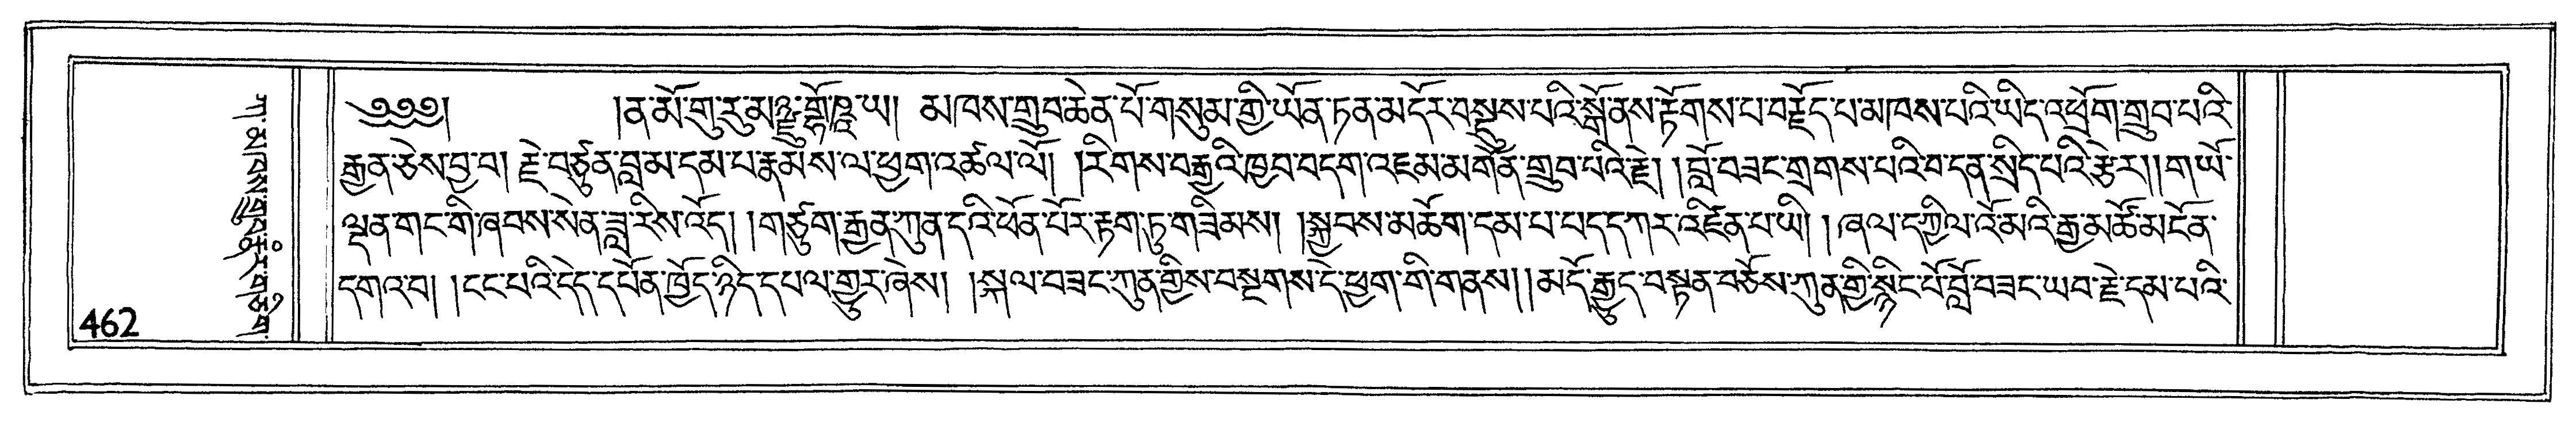༄༅༅། །ན་མོ་གུ་རུ་མཉྫུ་གྷོ་ཥཱ་ཡ། མཁས་གྲུབ་ཆེན་པོ་གསུམ་གྱི་ཡོན་ཏན་མདོར་བསྡུས་པའི་སྒོ་ནས་རྟོགས་པ་བརྗོད་པ་མཁས་པའི་ཡིད་འཕྲོག་གྲུབ་པའི་
རྒྱན་ཅེས་བྱ་བ། རྗེ་བཙུན་བླ་མ་དམ་པ་རྣམས་ལ་ཕྱག་འཚལ་ལོ། །རིགས་བརྒྱའི་ཁྱབ་བདག་འཇམ་མགོན་གྲུབ་པའི་རྗེ། །བློ་བཟང་གྲགས་པའི་བ་དན་སྲིད་པའི་རྩེར། །གཡོ་
ལྡན་གང་གི་ཞབས་སེན་ཟླ་རིས་འོད། །གཙུག་རྒྱན་ཀུན་དའི་ཕོན་པོར་རྟག་ཏུ་གཟིམས། །སྐྱབས་མཆོག་དམ་པ་པད་དཀར་འཛིན་པ་ཡི། །ཞལ་དཀྱིལ་འོ་མའི་རྒྱ་མཚོ་མངོན་
དགའ་བ། །ངང་པའི་དེད་དཔོན་ཁྱོད་ཉིད་དཔལ་གྱུར་ཞེས། །སྐལ་བཟང་ཀུན་གྱིས་བསྔགས་དེ་ཕྱག་གི་གནས། །མདོ་རྒྱུད་བསྟན་བཅོས་ཀུན་གྱི་སྙིང་པོ་བློ་བཟང་ཡབ་རྗེ་དམ་པའི་